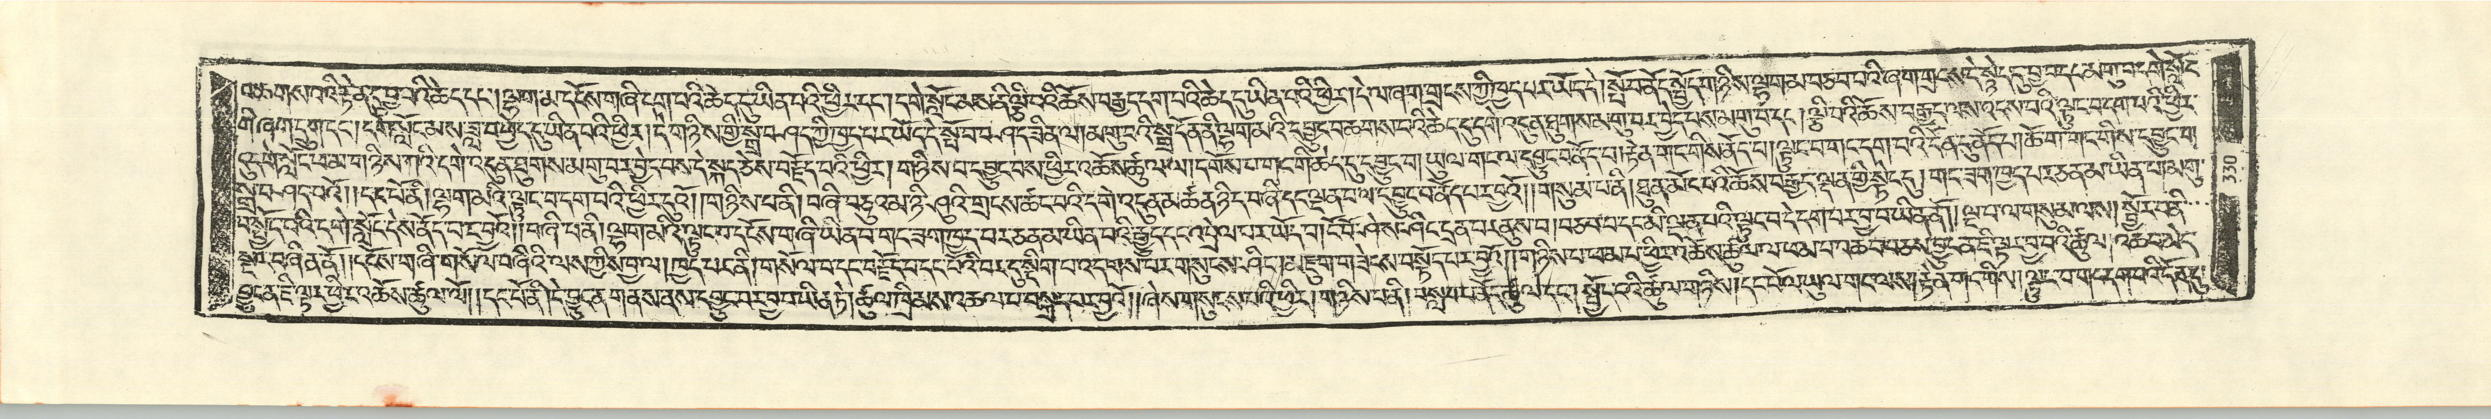འཆགས་པའི་རྟེན་དུ་བྱ་བའི་ཆེད་དང་། ལྷག་མ་དངོས་གཞི་དག་པའི་ཆེད་དུ་ཡིན་པའི་ཕྱིར་དང་། དགེ་སློང་མས་ནི་ལྕི་བའི་ཆོས་བརྒྱད་དག་པའི་ཆེད་དུ་ཡིན་པའི་ཕྱིར། དེ་ལ་ཞག་གྲངས་ཀྱི་ཁྱད་པར་ཡོད་དེ། སྤོབ་ནོད་སྤྱོད་གཉིས་ལྷག་མ་བཅབ་པའི་ཞག་གྲངས་དེ་སྙེད་དུ་བྱ་དང་མགུ་བ་དགེ་སློང་
གི་ཞག་དྲུག་དང་། དགེ་སློང་མས་ཟླ་བ་ཕྱེད་དུ་ཡིན་པའི་ཕྱིར། དེ་གཉིས་ཀྱི་སྒྲ་བཤད་ཀྱི་ཁྱད་པར་ཡོད་དེ་སྤོ་བ་བཤད་ཟིན་ལ། མགུ་བའི་སྒྲ་དོན་ནི་ལྷག་མའི་དབྱུང་བ་ཆགས་པའི་ཆེད་དུ་དགེ་འདུན་ཐུགས་མགུ་བར་བྱེད་པས་མགུ་བ་དང་། ལྕི་བའི་ཆོས་བརྒྱད་ལས་འདས་པའི་ལྟུང་བ་དག་པའི་ཕྱིར་
དུ་དགེ་སློང་ཕ་མ་གཉིས་ཀའི་དགེ་འདུན་ཐུགས་མགུ་བར་བྱེད་པས་དེ་སྐད་ཅེས་བརྗོད་པའི་ཕྱིར། གཉིས་པ་དབྱུང་བས་ཕྱིར་འཆོས་ཚུལ་ལ། དགོས་པ་གང་གི་ཆེད་དུ་དབྱུང་བ། ཡུལ་གང་ལ་དབྱུང་བ་ནོད་པ། རྟེན་གང་གིས་ནོད་པ། ལྟུང་བ་གང་དག་པའི་དོན་དུ་ནོད་པ། ཆོ་ག་གང་གིས་དབྱུང་བ།
སྒྲ་བཤད་པའོ། །དང་པོ་ནི། ལྷག་མའི་ལྟུང་བ་དག་པའི་ཕྱིར་དུའོ། །གཉིས་པ་ནི། བཞི་བཅུའམ་ཉི་ཤུའི་གྲངས་ཚང་བའི་དགེ་འདུན་མཚན་ཉིད་བཞི་དང་ལྡན་པ་ལ་དབྱུང་བ་ནོད་པར་བྱའོ། །གསུམ་པ་ནི། ཐུན་མོང་བའི་ཆོས་བརྒྱད་ལྡན་གྱི་སྟེང་དུ། གང་ཟག་ཁྱད་པར་ཅན་མ་ཡིན་པ། མགུ་
པ་སྤྱོད་པའི་དགེ་སློང་དེས་ནོད་པར་བྱའོ། །བཞི་པ་ནི། ལྷག་མའི་ལྟུང་བ་དངོས་གཞི་ཡིན་པ་གང་ཟག་ཁྱད་པར་ཅན་མ་ཡིན་པའི་རྒྱུད་དང་འབྲེལ་པར་ཡོད་དེ། པ། ངོ་བོ་ཤེས་ཤིང་དྲན་པར་ནུས་པ། བཅབས་པ་དང་མི་ལྡན་པའི་ལྟུང་བ་དེ་དག་པར་བྱ་བ་ཡིན་ནོ། །ལྔ་པ་ལ་གསུམ་ལས། སྦྱོར་བ་ནི་
སྔར་བཞིན་ནོ། །དངོས་གཞི་གསོལ་བཞིའི་ལས་ཀྱིས་བྱ་ལ། ཁྱད་པར་ནི། གསོལ་བ་དང་བརྗོད་པ་དང་པོའི་བར་དུ་སྡིག་པ་འདགས་པར་གསུངས་ཤིང་། མཇུག་གཟེངས་བསྟོད་པར་བྱའོ། །གཉིས་པ་ཕམ་པ་ཕྱིར་འཆོས་ཚུལ་ལ་ཕམ་པ་འཆབ་བཅས་བྱུང་ན་ཇི་ལྟར་བྱ་བའི་ཚུལ། འཆབ་མེད་
བྱུང་ན་ཇི་ལྟར་ཕྱིར་འཆོས་ཚུལ་ལོ། །དང་པོ་ནི། དེ་བྱུང་ན་གནས་ནས་དབྱུང་བར་བྱ་བ་ཡིན་ཏེ། ཚུལ་ཁྲིམས་འཆལ་བ་བསྐྲད་པར་བྱའོ། །ཞེས་གསུངས་པའི་ཕྱིར། གཉིས་པ་ནི། བསླབ་པ་ནོད་ཚུལ་དང་། སྤྱོད་པའི་ཚུལ་གཉིས། དང་པོ་ལ་ཡུལ་གང་ལས། རྟེན་གང་གིས། ལྟུང་བ་གང་དག་པའི་དོན་དུ།